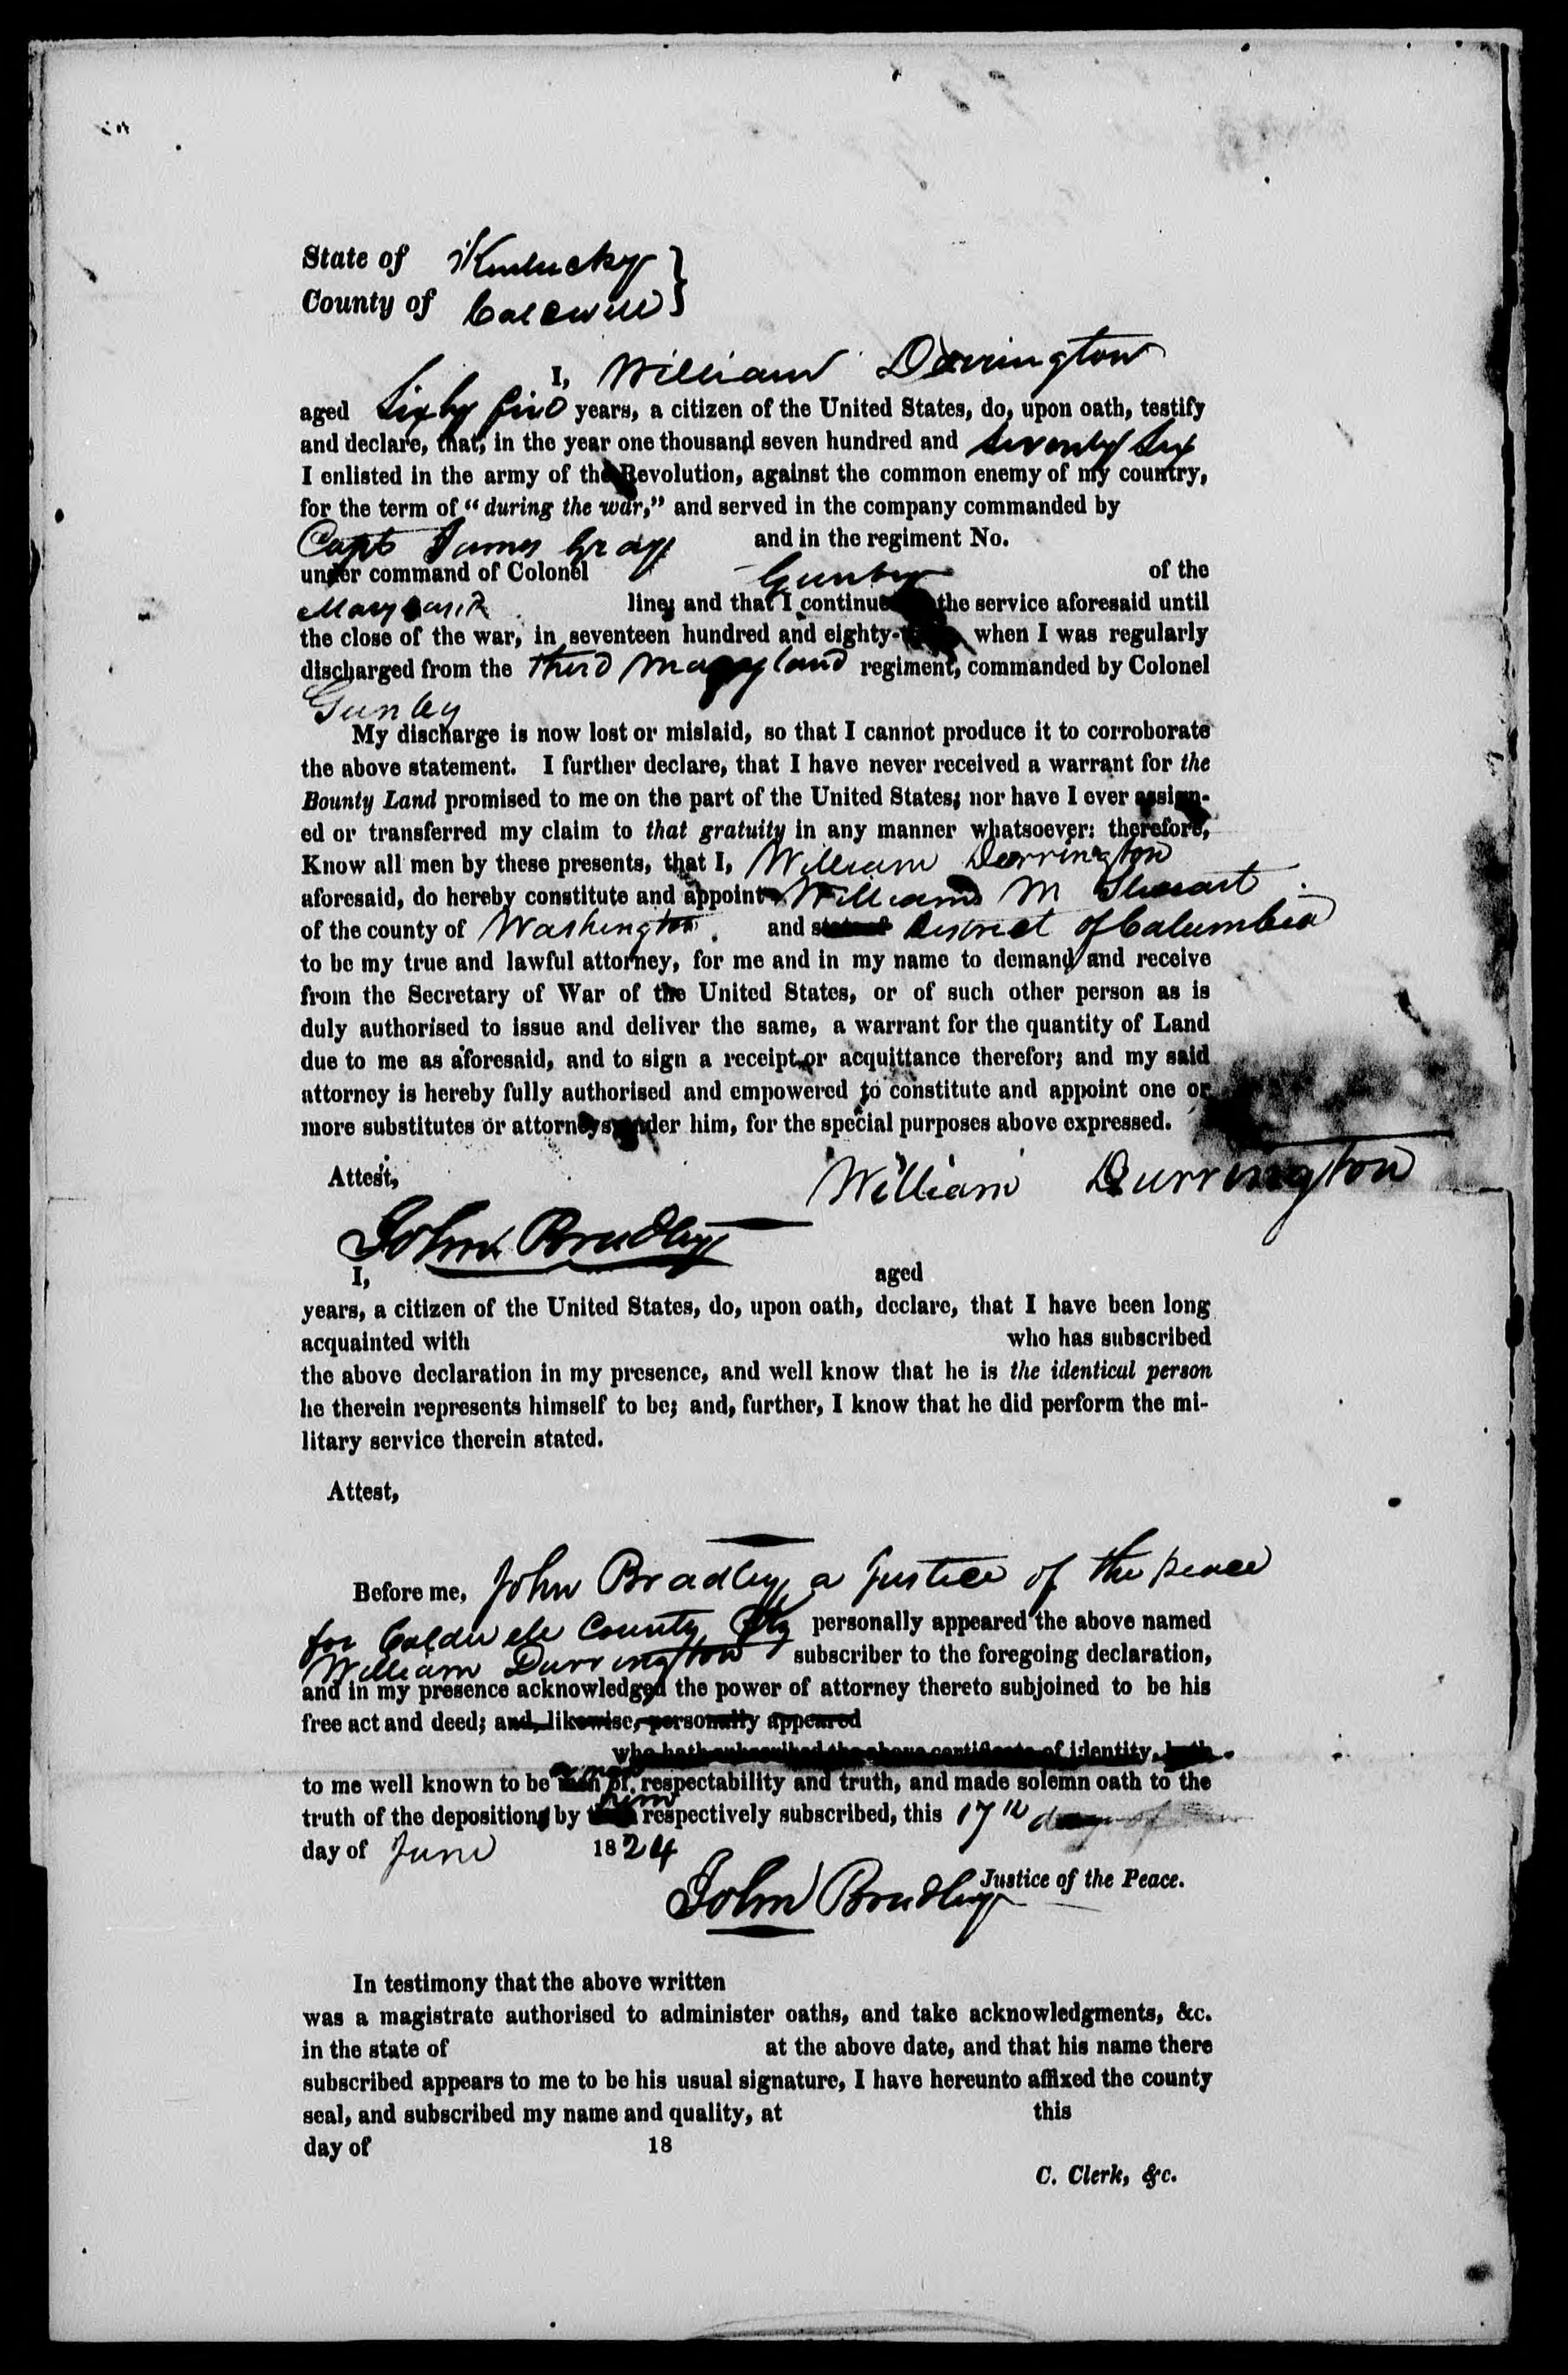State of Kentucky
County of Caldwell
I, William Durrington, aged Sixty five years, a citizen of the United States, do, upon oath, testify and declare, that in the year one thousand seven hundred and seventy six
enlisted in the army of the Revolution, against the common enemy of my country,
for the term of "during the war", and served in the company commanded by
Capt James Grave
and in the regiment No.
under command of Colonel
Gunty of the
Maryland and that I continued
the service aforesaid until
the close of the war, in seventeen hundred and eighty when I was regularly
discharged from the third Maryland regiment, commanded by Colonel
Gunly.
My discharge is now lost or mislaid, so that I cannot produce it to corroborate
the above statement. I further declare, that I have never received a warrant for the
Bounty Land promised to me on the part of the United States; nor have I ever assigned or transferred my claim to that gratuity in any manner whatsoever: therefore,
Know all men by these presents, that I, William Durrington
aforesaid, do hereby constitute and appoint William M. [illegible] 
of the county of Washington, and District of Columbia
to be my true and lawful attorney, for me and in my name to demand and receive
from the Secretary of War of the United States, or of such other person as is
duly authorised to issue and deliver the same, a warrant for the quantity of Land
due to me as aforesaid, and to sign a receipt or acquittance therefor; and my said
attorney is hereby fully authorised and empowered to constitute and appoint one of
more substitutes or attorney under him, for the special purposes above expressed.


William Durrington
Attest,
I, John Bradley aged [blank] years, a citizen of the United States, do, upon oath, declare, that I have been long
acquainted with [blank]
who has subscribed
the above declaration in my presence, and well know that he is the identical person
he therein represents himself to be; and, further, I know that he did perform the military
service therein stated.

Attest,
Before me, John Bradley a Justice of the peace
for Caldwell County, KY personally appeared the above named
William Durrington subscriber to the foregoing declaration
and in my presence acknowledged the power of attorney thereto subjoined to be his
free act and deed; and likewise, personally appeared to me well known to be [illegible] respectability and truth, and made solemn oath to the truth of the depositions by him respectively subscribed, this 17th day of
June 1824
John Bradley  
Justice of the Peace

In testimony that the above written
was a magistrate authorised to administer oaths, and take acknowledgments, & c.
seal, and subscribed my name and quality, at
this
in the state of
at the above date, and that his name there
subscribed appears to me to be his usual signature, I have hereunto affixed the county
day of
18
C. Clerk, &c.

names: Gunby, James Gray, William Durrington, William Durrington, John Bradley, William Durrington, John Bradley, Gunbey, John Bradley, William M Stewart, William Durrington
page: 21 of 51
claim: widow's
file: W. 27,409, William Dunnington, Md.